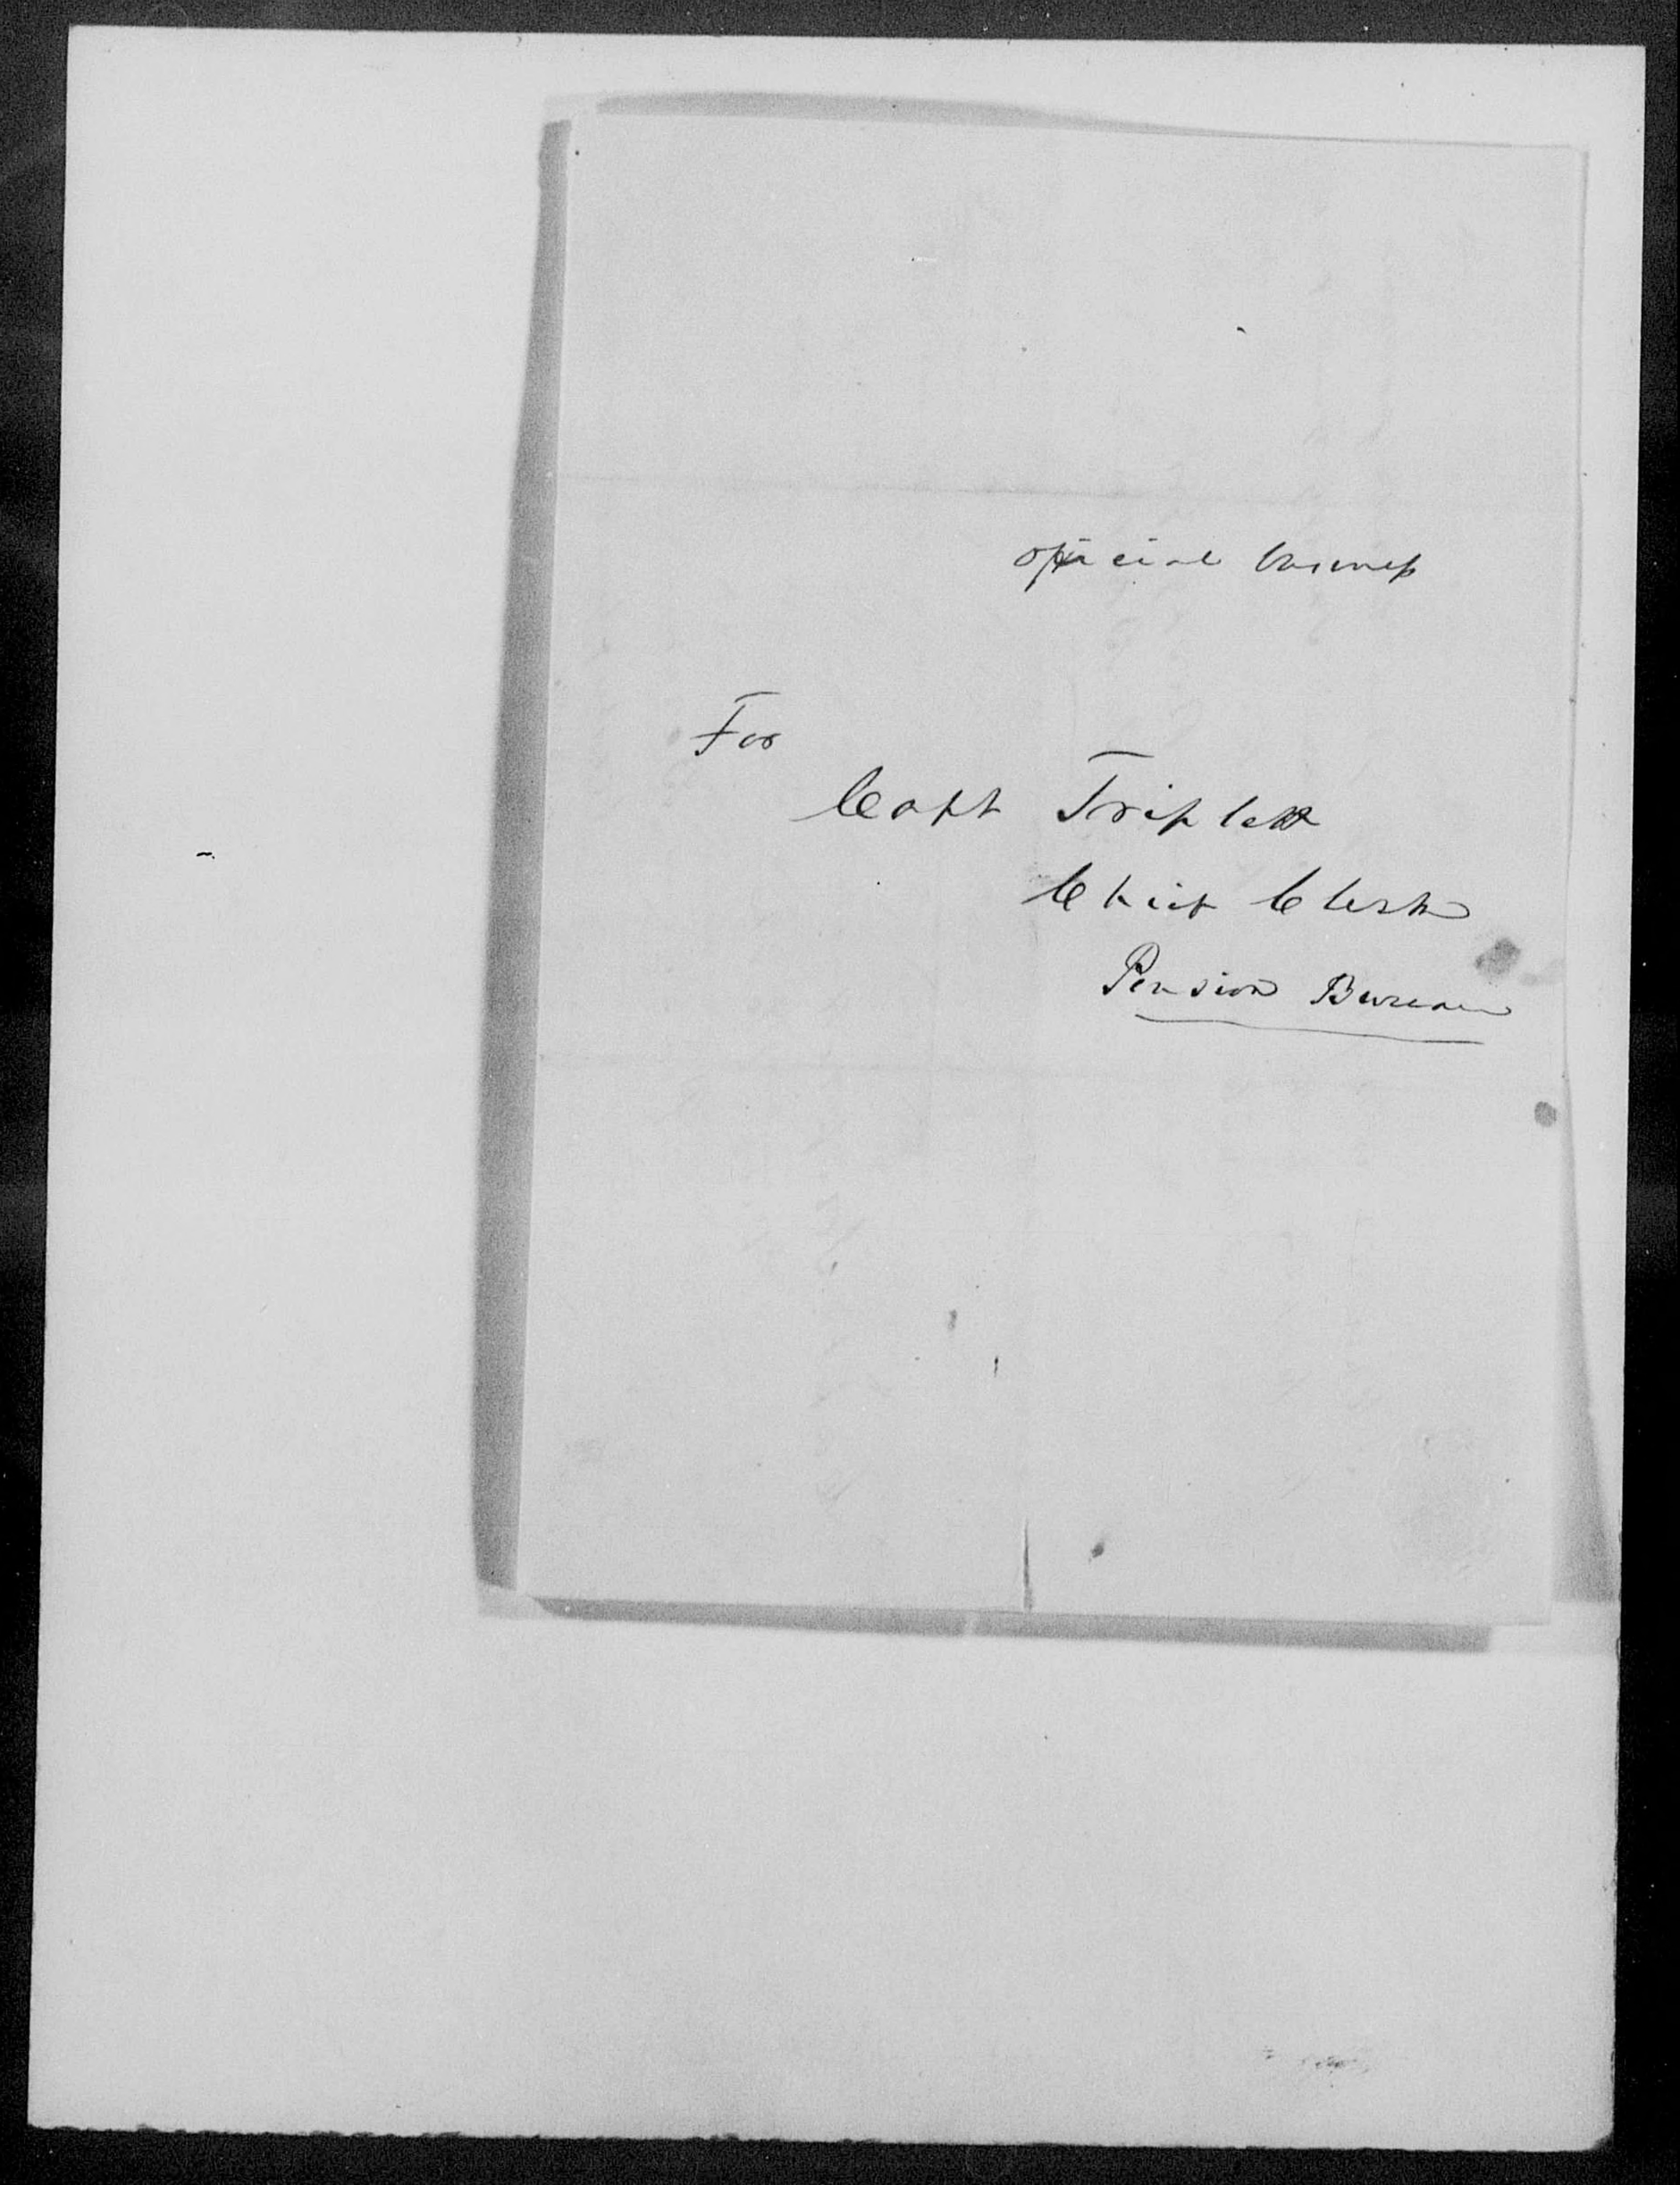official business

For
Capt Triplett
Chist Clerk
Pension Bureau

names: Triplett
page: 187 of 267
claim: widow's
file: W. 4,149, William Campbell, Va.